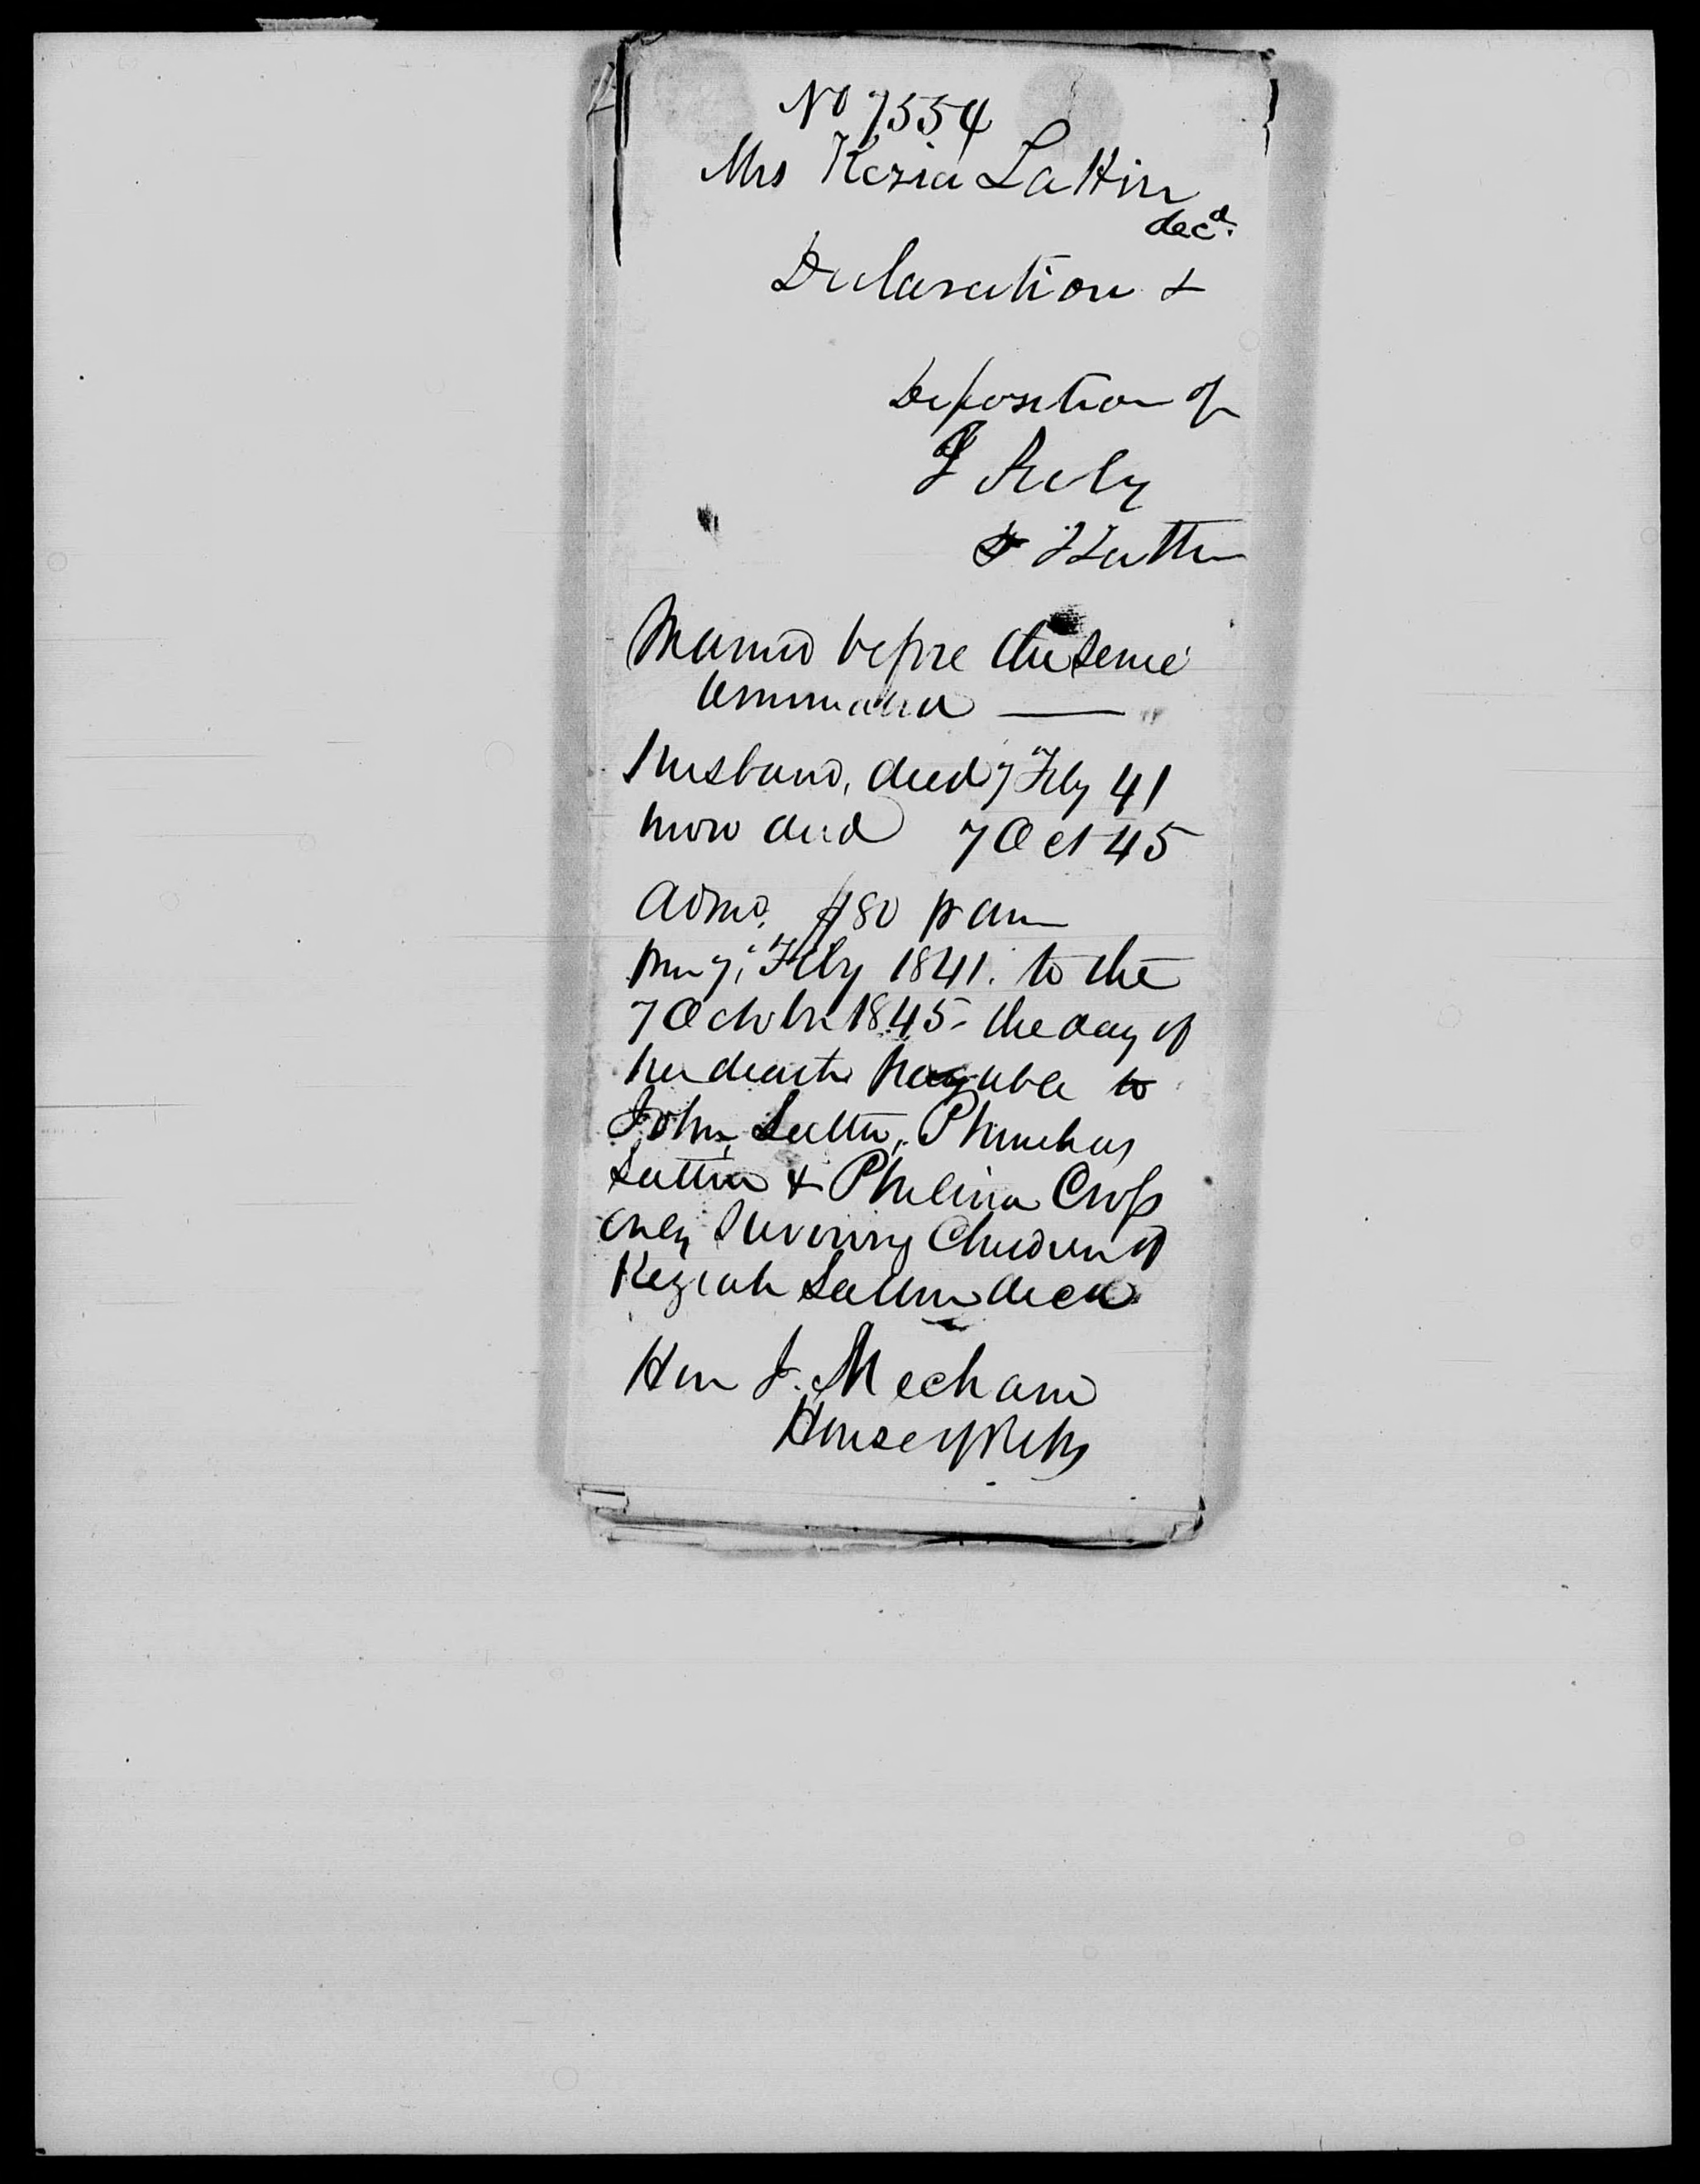No 7554
Mrs Kezia Lattin dec’d
Declaration &
Deposition of
of I Seely & J Lattin

Married before the service
commenced.

Husband died 7 Feby 41
widow died 7 Oct 45
Adm $80 pr ann
[due?] 7 Feby 1841, to the
7 October 1845, the day of
her death. Payable to
John Lattin, Phinehas
Lattin & Phelina Cross
only surviving children of
Keziah Lattin dec’d
Hon J. Mecham
House of Reps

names: John Lattn; Phelina Cross; Kezia Lattin; J Mecham; Keziah Lattin; I Seely; Phinehas Lattin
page: 17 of 99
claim: widow's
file: W. 24,482, for Richard Lattin, Vermont